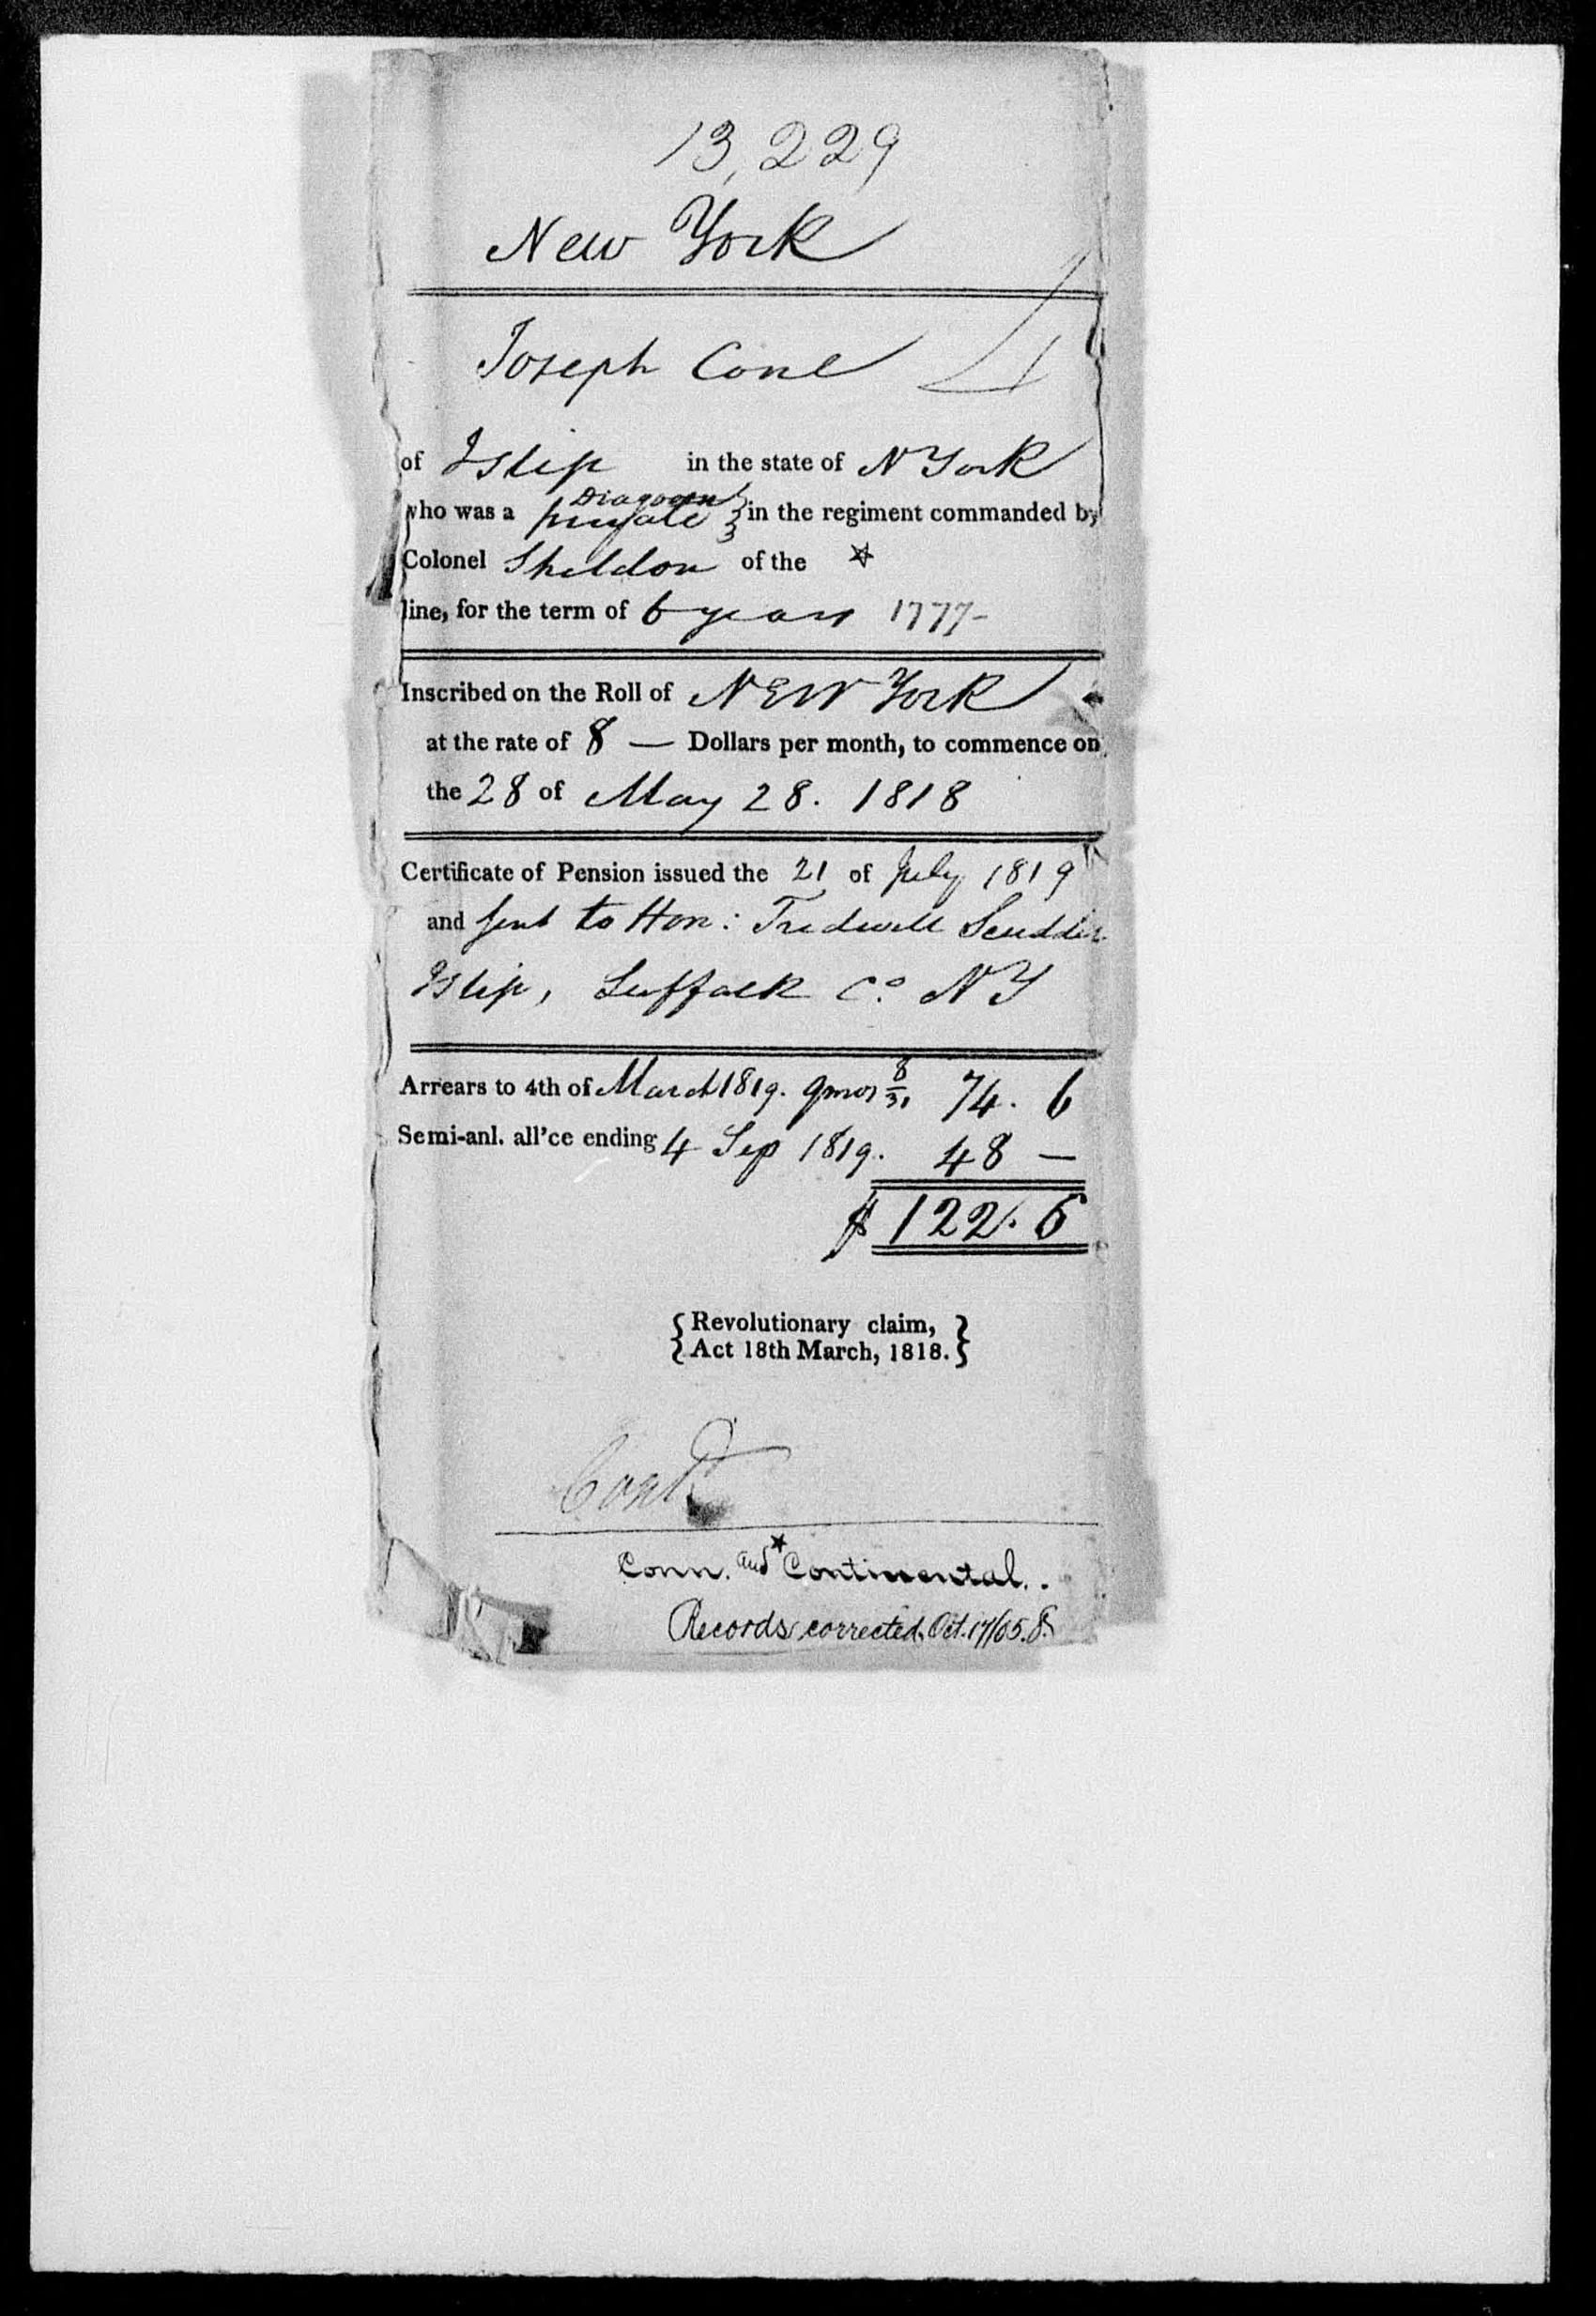13,229
New York

Joseph Cone 4
of Islip in the state of N York who was a Dragoon private in the regiment commanded by Colonel Sheldon of the * line for the term of 6 years 1777-

Inscribed on the Roll of New York at the rate of 8- Dollars per month, to commence on the 28 of May 28. 1818

Certificate of Pension issued the 21 of July 1819 and sent to Hon: Tredwell Scudder Islip, Suffolk Co. NY

Arrears to 4th of March 1819. [illegible] 8/31  74.6
Semi-anl. all'ce ending 4 Sep 1819. 48 -
$122.6
Revolutionary claim,
Act 18th March, 1818.

Connt
Conn and * Continental.
Records corrected Oct. 17/65.[illegible]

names: Tredwell Scudder, Sheldon, Joseph Cone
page: 17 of 28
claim: survivor's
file: S. 12569, Joseph Cone, Conn Continental